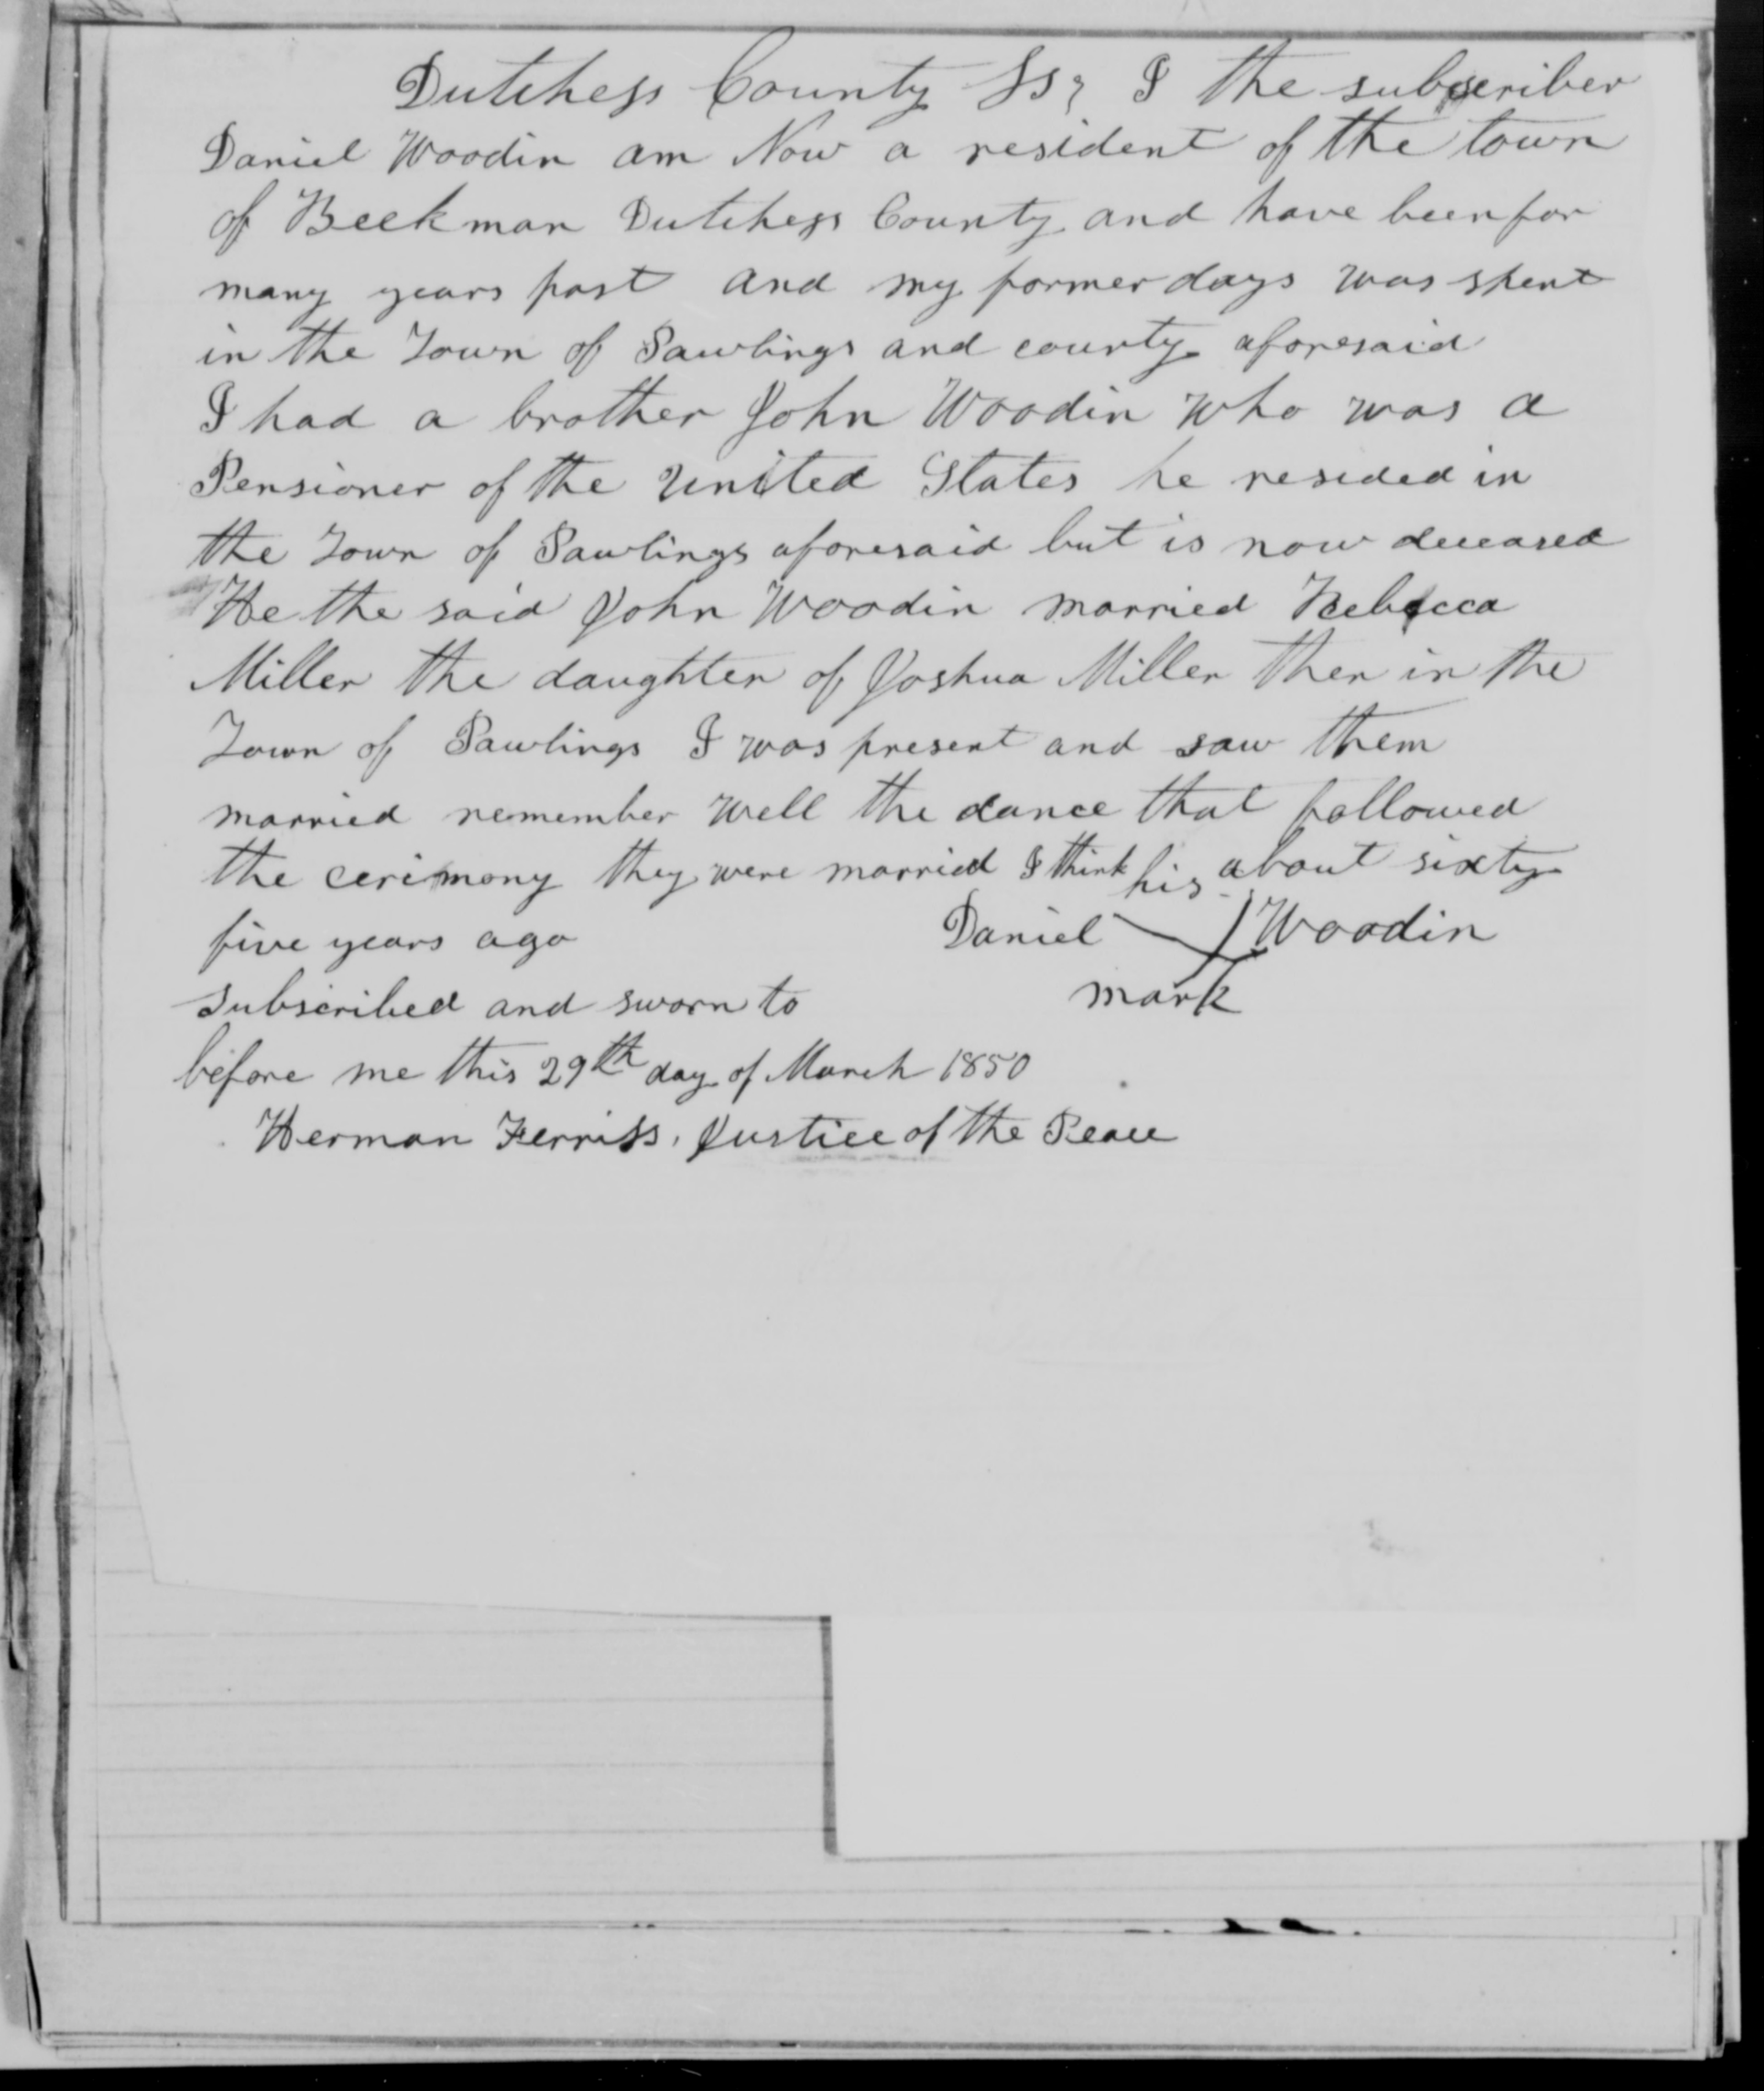Dutchess County Ss I the subscriber Daniel Woodin am now a resident of the town of Beekman Dutchess County and have been for many years past and my former day was spent in the Town of Pawlings and County aforesaid I had a brother John Woodin who was a Pensioner of the United States he resided in the Town of Pawlings aforesaid but is now deceased He the said John Woodin Married Rebeca Miller the daughter of Joshua Miller then in the Town of Pawlings I was present and saw them married remember well the dance that followed the cerimony they were married I think about sixty five years ago 
[signed] Daniel Woodin  X his mark
subscribed and sworn to before me this 29th day of March 1850 
Herman Ferriss, Justice of the Peace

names: Rebecca Miller, Herman Ferriss, Daniel Woodin, Joshua Miller, John Woodin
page: 11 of 77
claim: widow's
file: W. 19658, John Woodin, New York